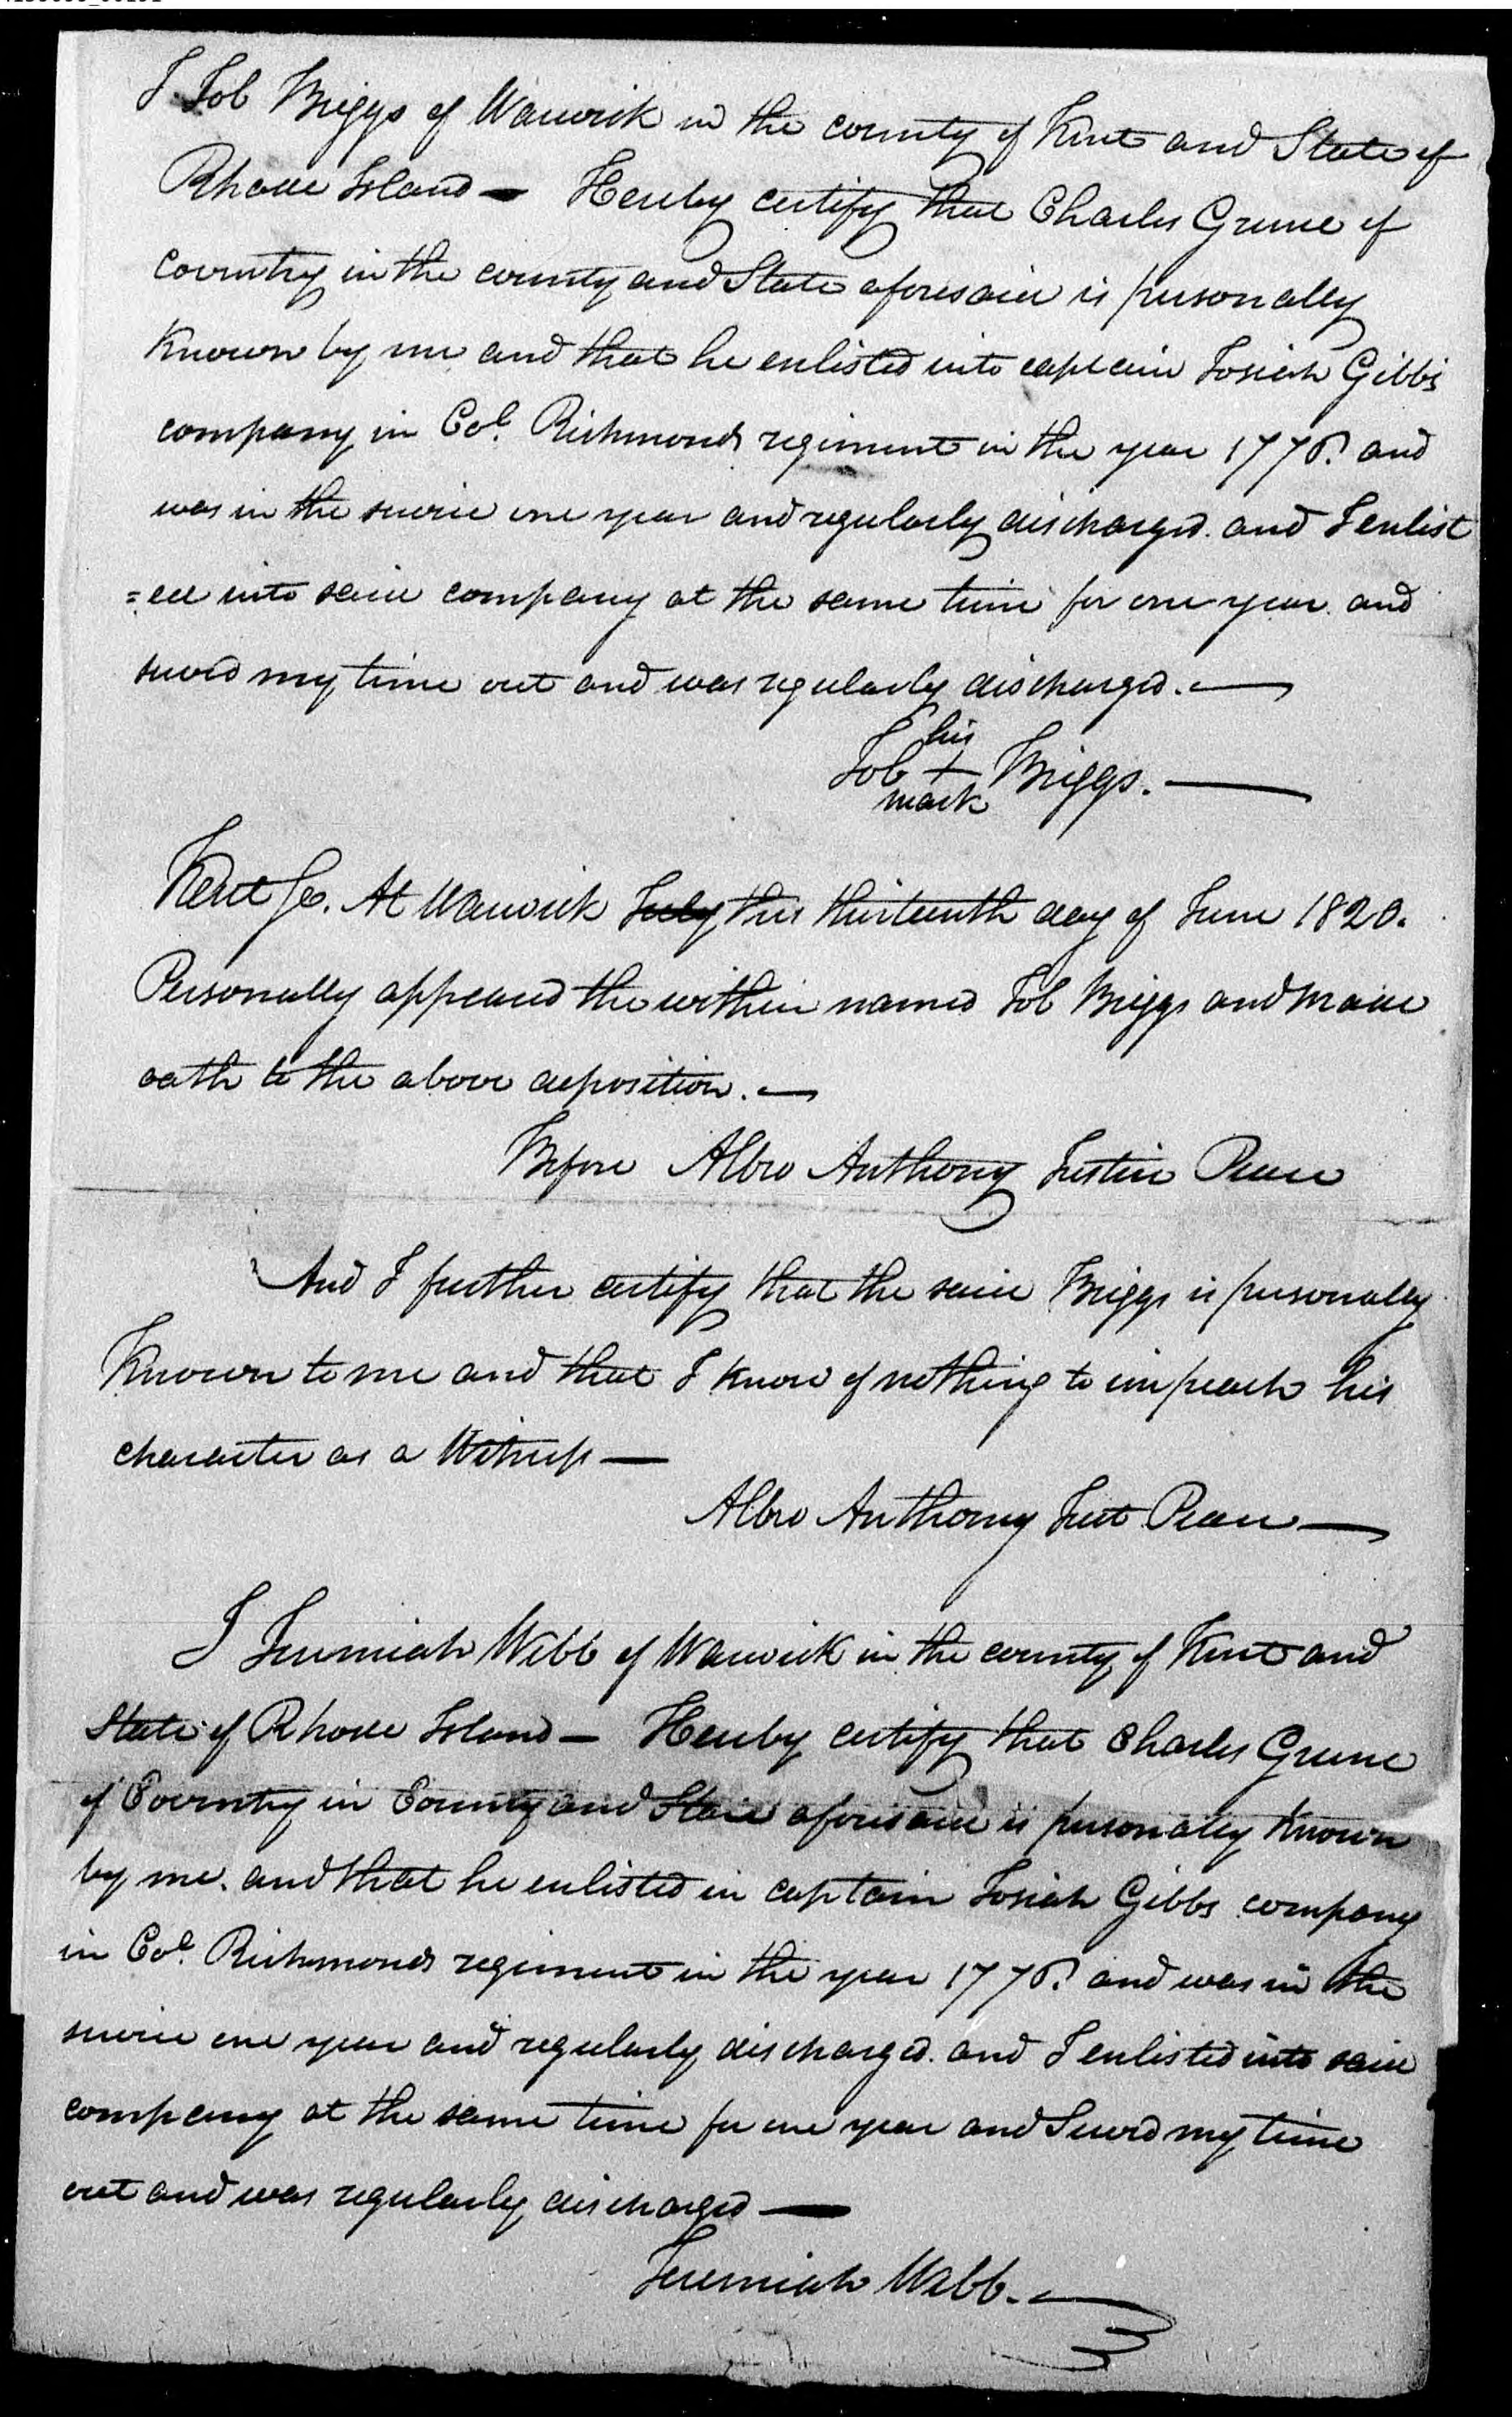I Job Briggs of Warwich in the county of Kent and state of Rhode Island - Hereby certify that Charles Greene of country in the county and state aforesaid is personally known by me and that he enlisted into captain Josiah Gibbs company in Col. Richmond regiment in the year 1776 and was in the service one year and regularly discharged and enlisted into service company at the same time for one year and served my time out and was regularly discharged. 
his mark X
Job Briggs

Kent Co. at Warwick this thirteenth day of June 1820. 
Personally appeared the within named Job Briggs and made oath to the above deposition. 
Before Albro Anthony Justice Peace

And I further certify that the service Briggs is personally known to me and that I know of nothing to impeach his character as a witness. 
Albro Anthony Justice Peace

I Jeremiah Webb of Warwick in the county of Kent and state of Rhode Island - hereby certify that Charles Greene of Country in County and state aforesaid is personally known by me and that he enlisted in captain Josiah Gibbs company in Col. Richmond regiment in the year 1776 and was in the service one year and regularly discharged and I enlisted into said company at the same time for one year and served my time out and was regularly discharged. 
Jeremiah Webb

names: Albro Anthoney, Briggs, Job Briggs, Job Briggs, Charles Greene, Job Briggs, Jeremiah Webb, Charles Greene, Albro Anthony, Jeremiah Webb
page: 19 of 20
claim: survivor's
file: S. 38755, Charles Greene, R.I.